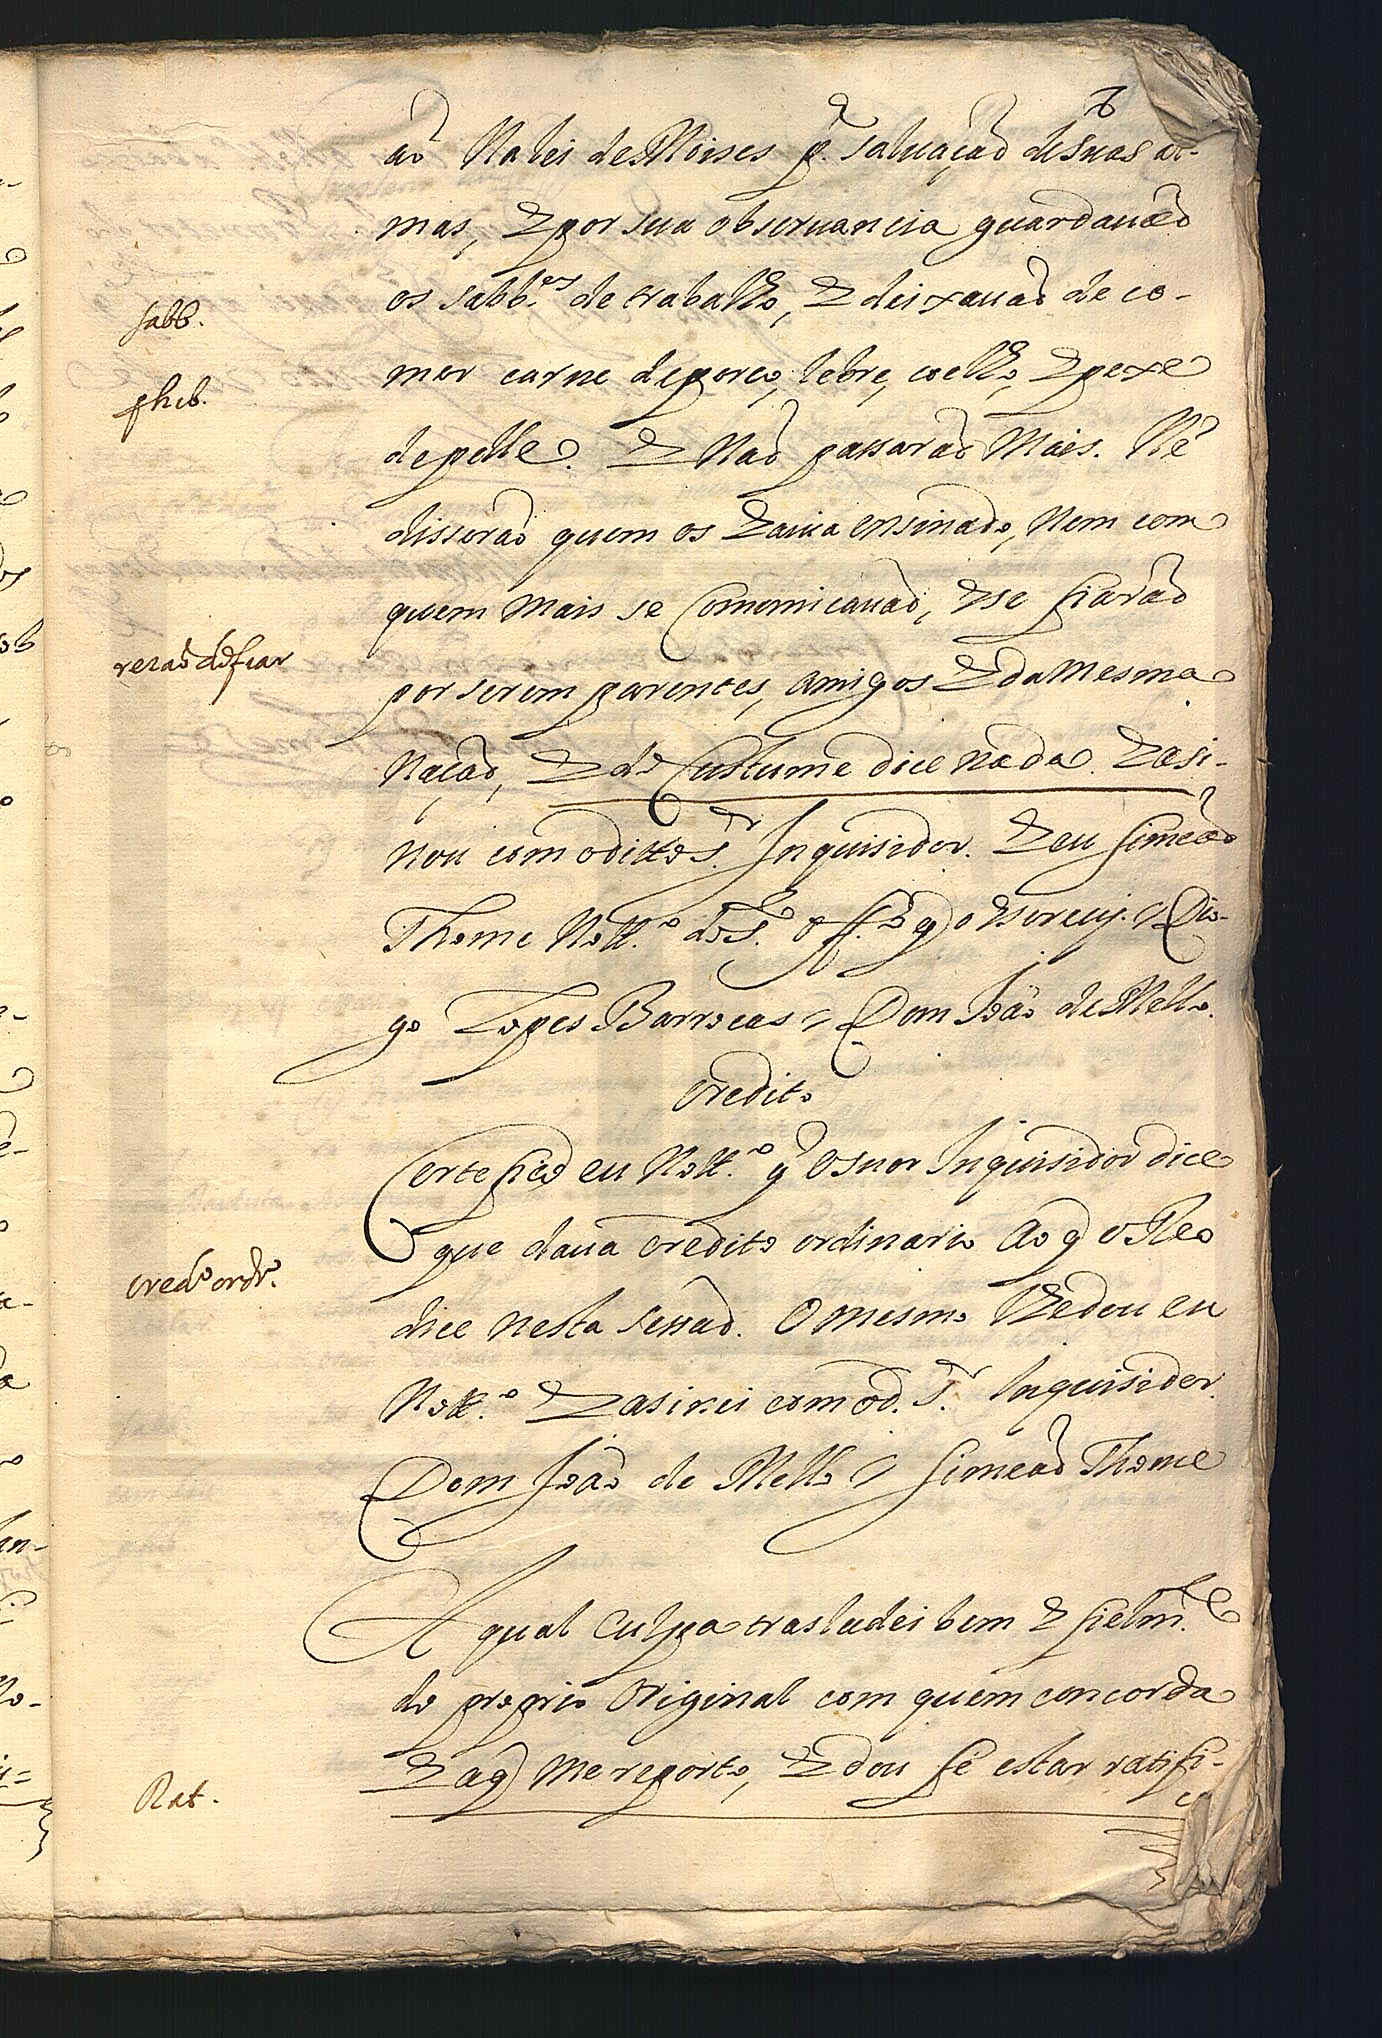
aõ Na lei de Moises p.a saluação de suas al
mas, E por sua obseruancia guardauão
os sabb.os de trabalho, E deixauaõ de co
sabb.
mer carne de porco, lebre, coelho, E pexe
ꝓhib.
de pelle. E Naõ passarão Mais, Nē
disserão quem os hauia ensinado, nem com
quem mais se Comonicauão, E se fiarão
rezaõ do fiar
por serem parentes, amigos E da mesma
Nação, E do Custume dice nada. E asi
nou com o ditto s.or Jnquisidor. E eu Simeão
Thome Nott.o do s.to. off.o q̄ o Escreuj. = Dio
go Lopes Barrocas = Dom Ioão de Mello.
credito
Certefico eu Nott.o q̄ o snor Inquisidor dice
que daua credito ordinario ao q̄ o Reo
credo ordro.
dice nesta sessão. O mesmo lhe dou eu
Nott.o E asinei com o d̄. s.or Inquisidor
Dom João de Mello = Simeão Thome
A qual culpa trasladei bem E fielm.te
do proprio Original com quem concorda
E a q̄ me reporto, E dou fé estar ratifi
